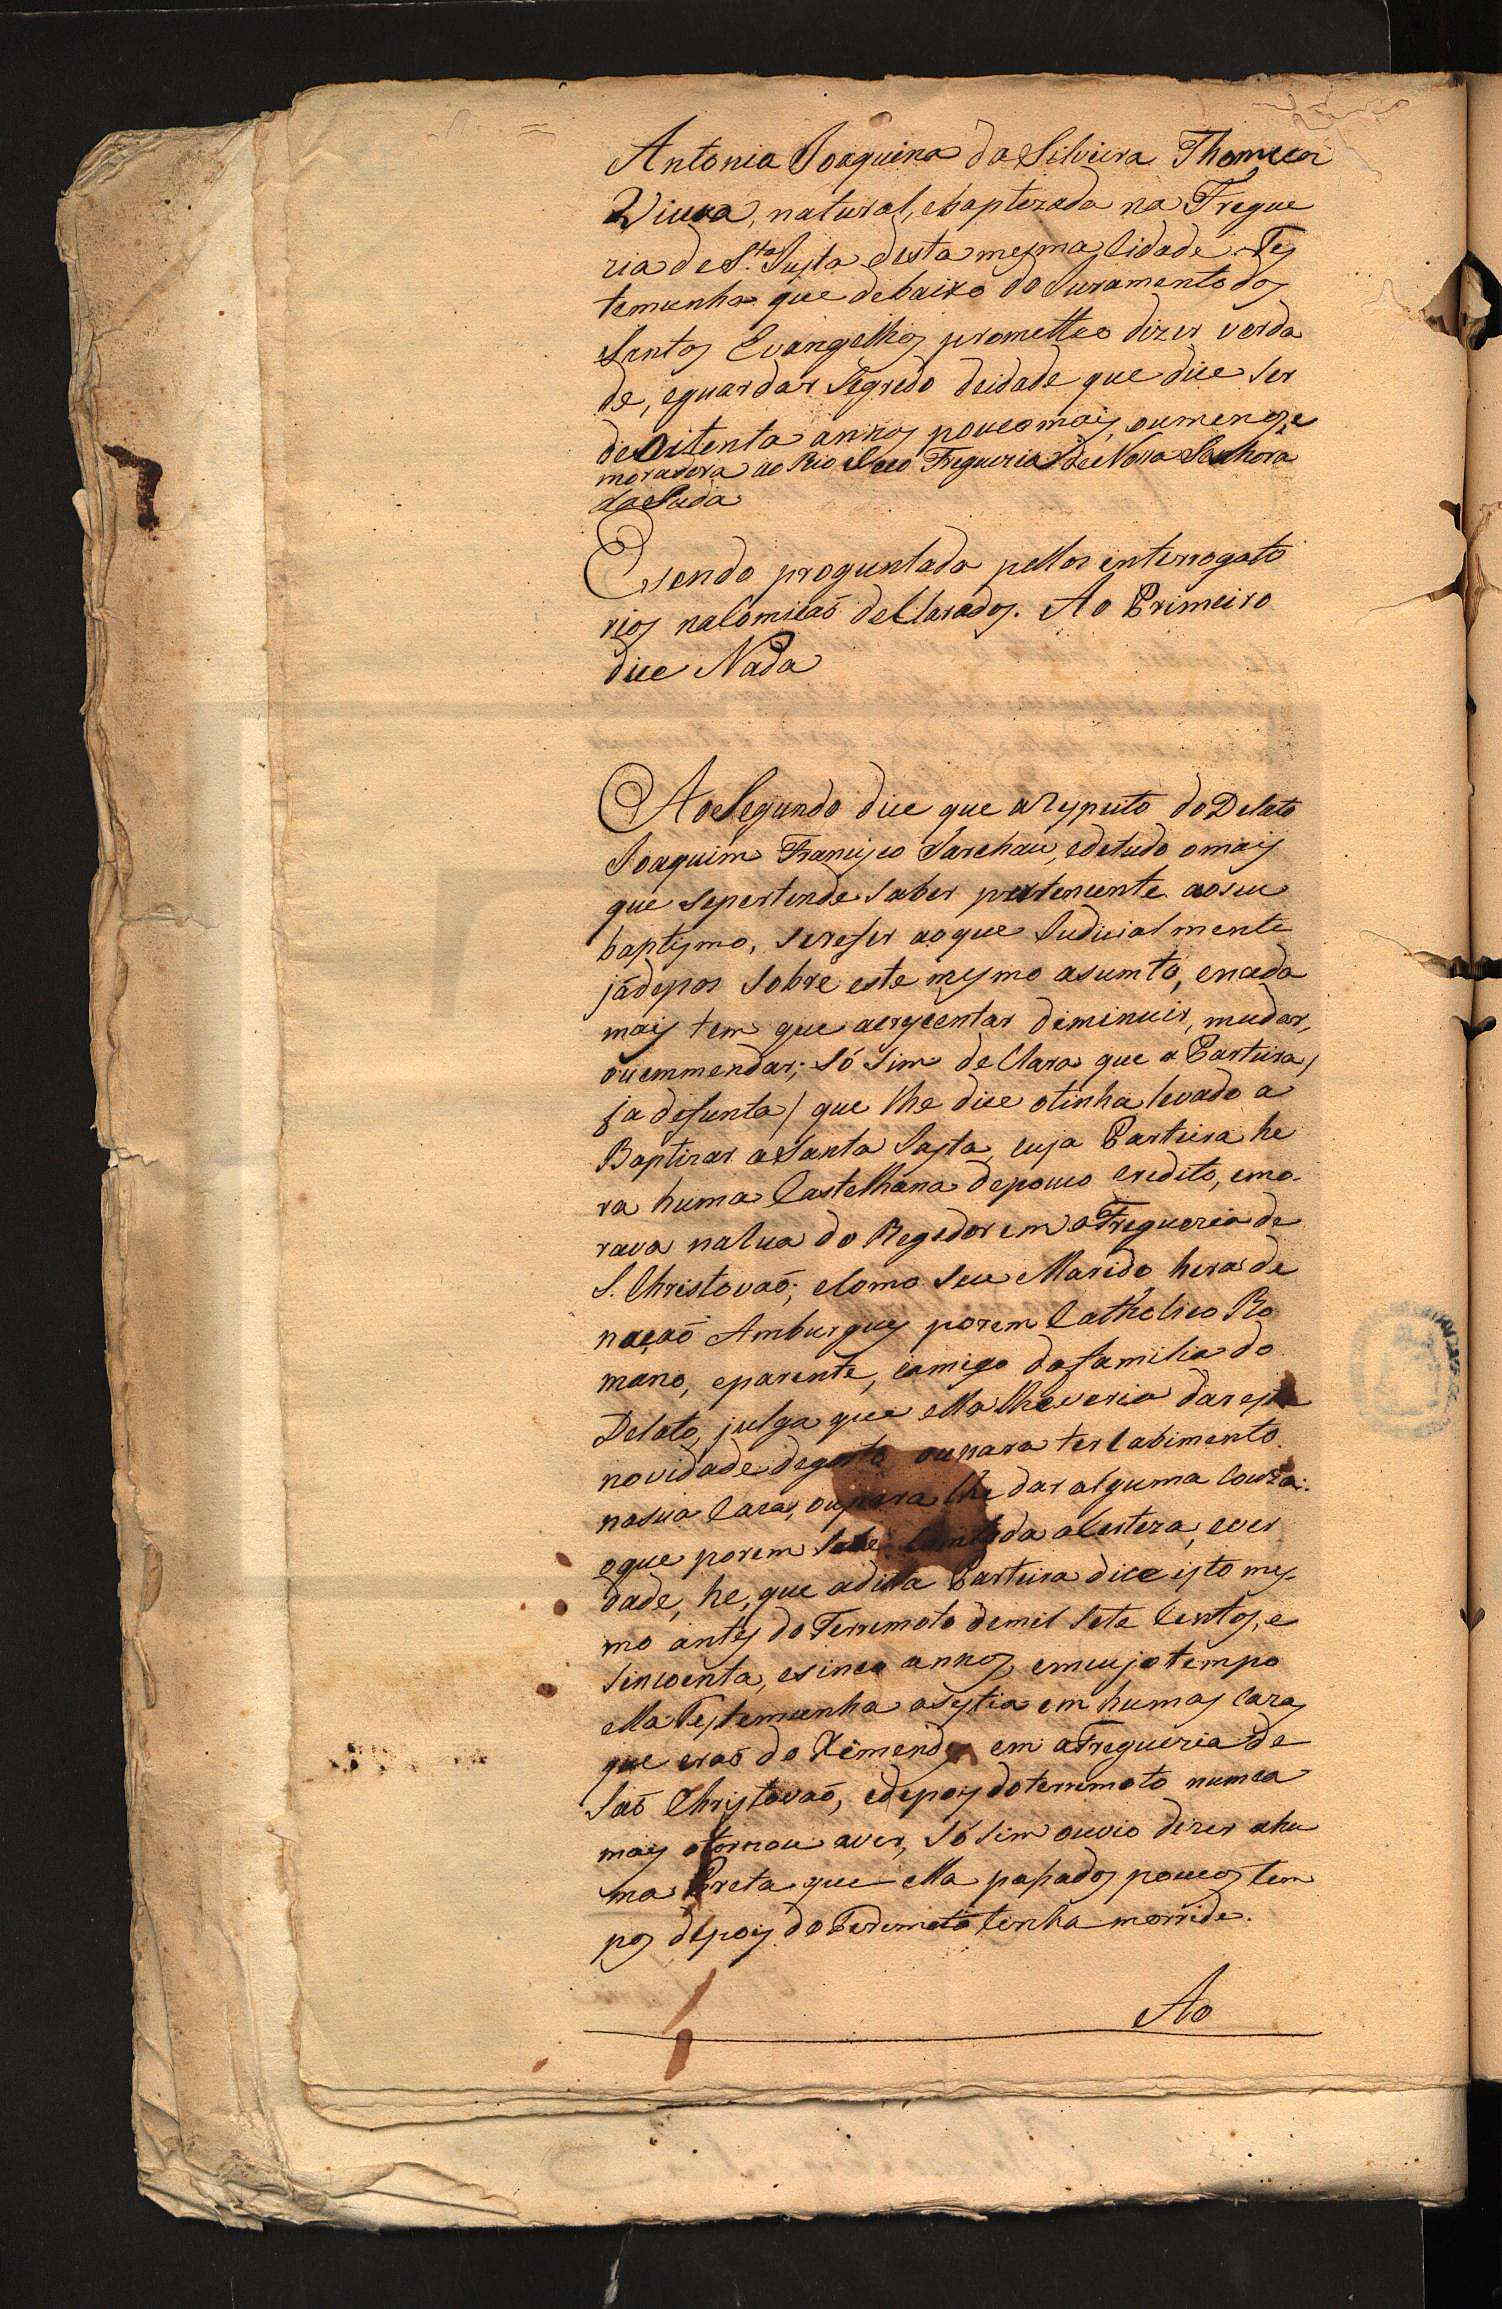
Antonia Ioaquina da Silveira Thomcen
Viuva, natural, e baptizada na Fregue
zia de S.ta Iusta desta mesma Cidade Tes
temunha que debaixo do Iuramento dos
Santos Evangelhos prometteo dizer verda
de, e guardar segredo de idade que dice ser
de Oitenta annos pouco mais ou menos, e
moradora ao Rio Seco Freguezia de Nossa Senhora
daIuda
E sendo proguntada pellos interrogato
rios na Comiçaõ deClarados. Ao Primeiro
dice Nada
Ao Segundo dice que a Respeito do Delato
Ioaquim Francisco Iarchau, e de tudo o mais
que se pertende saber pretencente ao seu
baptismo, se refer ao que Iudicialmente
já depos sobre este mesmo asumto, e nada
mais tem que acrescentar diminuir, mudar,
ou emmendar; só sim deClara que a Parteira (
ja defunta) que lhe dice o tinha levado a
Baptizar a Santa Iusta, cuja Parteira he
ra huma Castelhana de pouco credito, e mo
rava na Rua do Regedor em a Freguezia de
S. Christovaõ; e Como seu Marido hera de
naçaõ Amburgues porem Catholico Ro
mano, e parente, e amigo da familia do
Delato, julga que ella lhe veria dar esta
novidade de gosto, ou para ter cabimento.
na sua caza, ou para lhe dar alguma couza:
o que porem sabe com toda a certeza, e ver
dade, he, que a ditta Parteira dice isto mes
mo antes do Terremoto de mil seteCentos, e
sincoenta, e sinco annos, em cujo tempo
ella Testemunha asistia em humas cazas
que eraõ do Ximendes em a Freguezia de
São Christovaõ, e depois do terremoto numca
mais o tornou a ver, só sim ouvio dizer a hu
ma Preta que ella passados poucos tem
pos depois do Teremoto tinha morrido.
Ao
